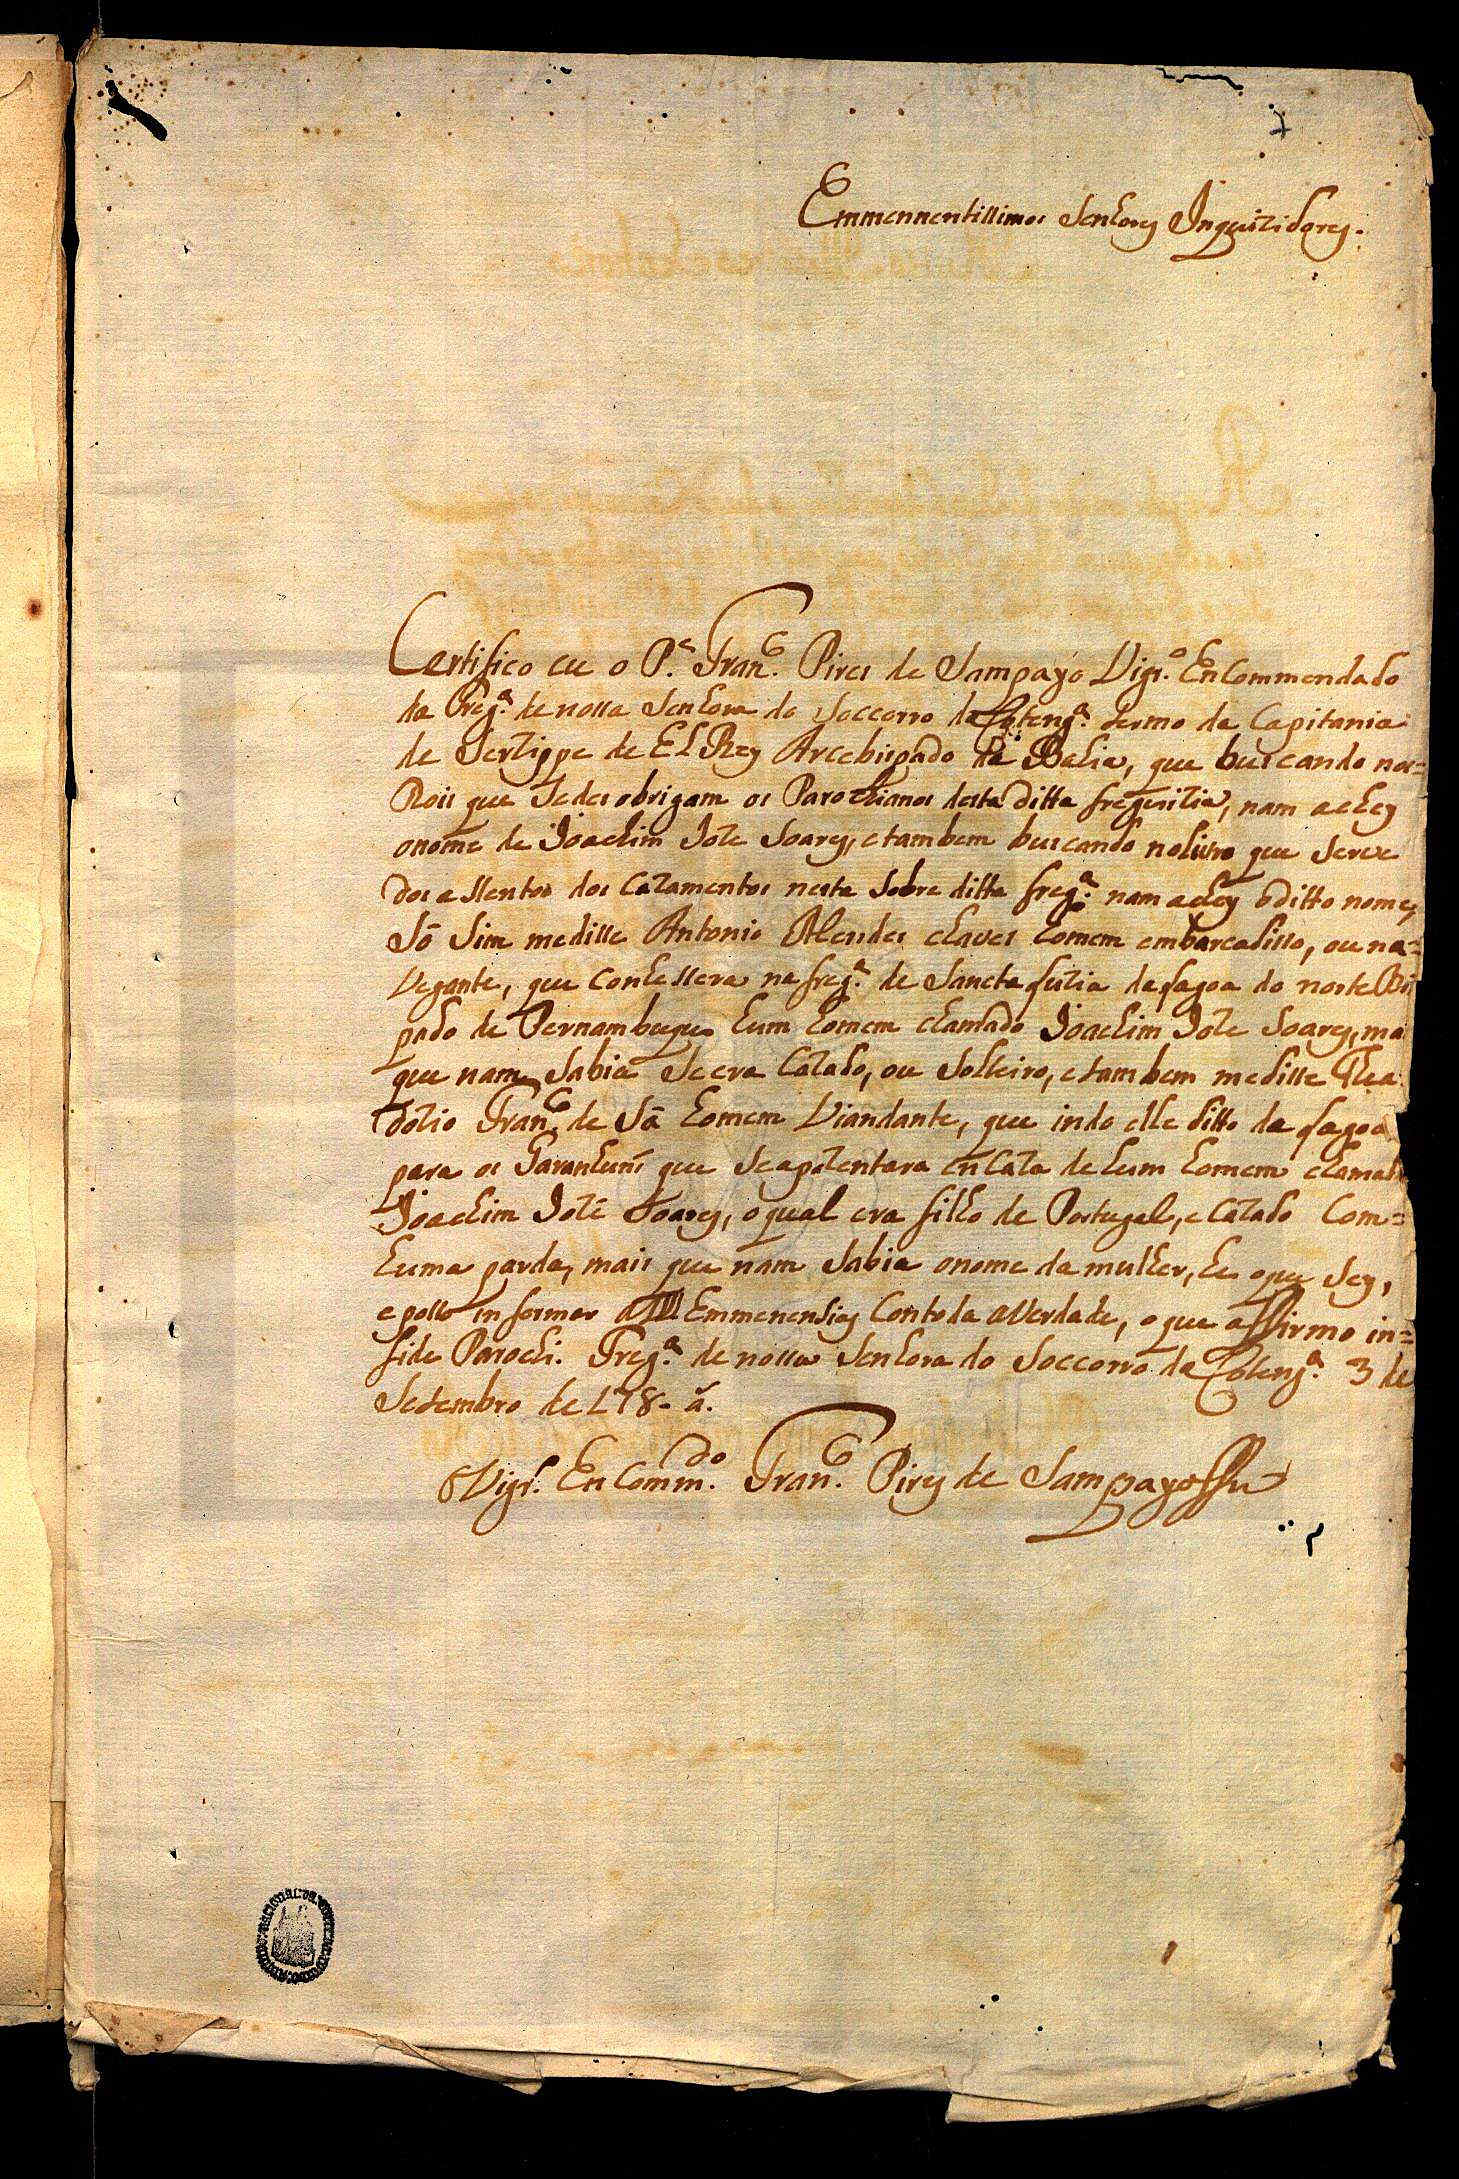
Emmennentissimos Senhores Inquizidores.
Certifico eu o P.e Fran.c Pires de Sampayo Vigr.o EnCommendado
da Freg.a de nossa Senhora de Soccorro de Cateng.a termo da Capitania
de SerZippe de EL Rey Arcebispado da Bahia, que buscando nos
Rois que se desobrigam os Parochianos desta ditta fregueZia, nam achey
o nome de Ioachim IoZe Soares, e tambem buscando no Livro que serve
dos assentos dos caZamentos nesta Sobreditta freg.a nam achey o dito nome.
Só Sim me disse Antonio Mendes chaves homem embarcadisso, ou na
Vegante, que conhessera na freg.a de Sancta LuZia da Lagoa do norte Bi
pado de Pernambuquo hum homem chamado Ioachim IoZe Soares, ma
que nam Sabia Se era CaZado, ou SoLteiro, e tambem me disse Tea
doZio Fran.co de Sá homem Viandante, que indo elle ditto da Lagoa
para as Paranhun̄s que se apaZentara en CaZa de hum homem chama_
Ioachim IoZé Soares, o qual era filho de Portugal, e CaZado Com
huma parda, mais que nam Sabia o nome da mulher, he o que Sey,
e posso informar a VV Emmenensias Contoda a Verdade, e que affirmo in
side Parochi. Freg.a de nossa Senhora do Soccorro da Coteng.a 3 de
Setembro de 1780 ā.
O Vigr.o EnComm.do Fran.co Pires de Sampayo
